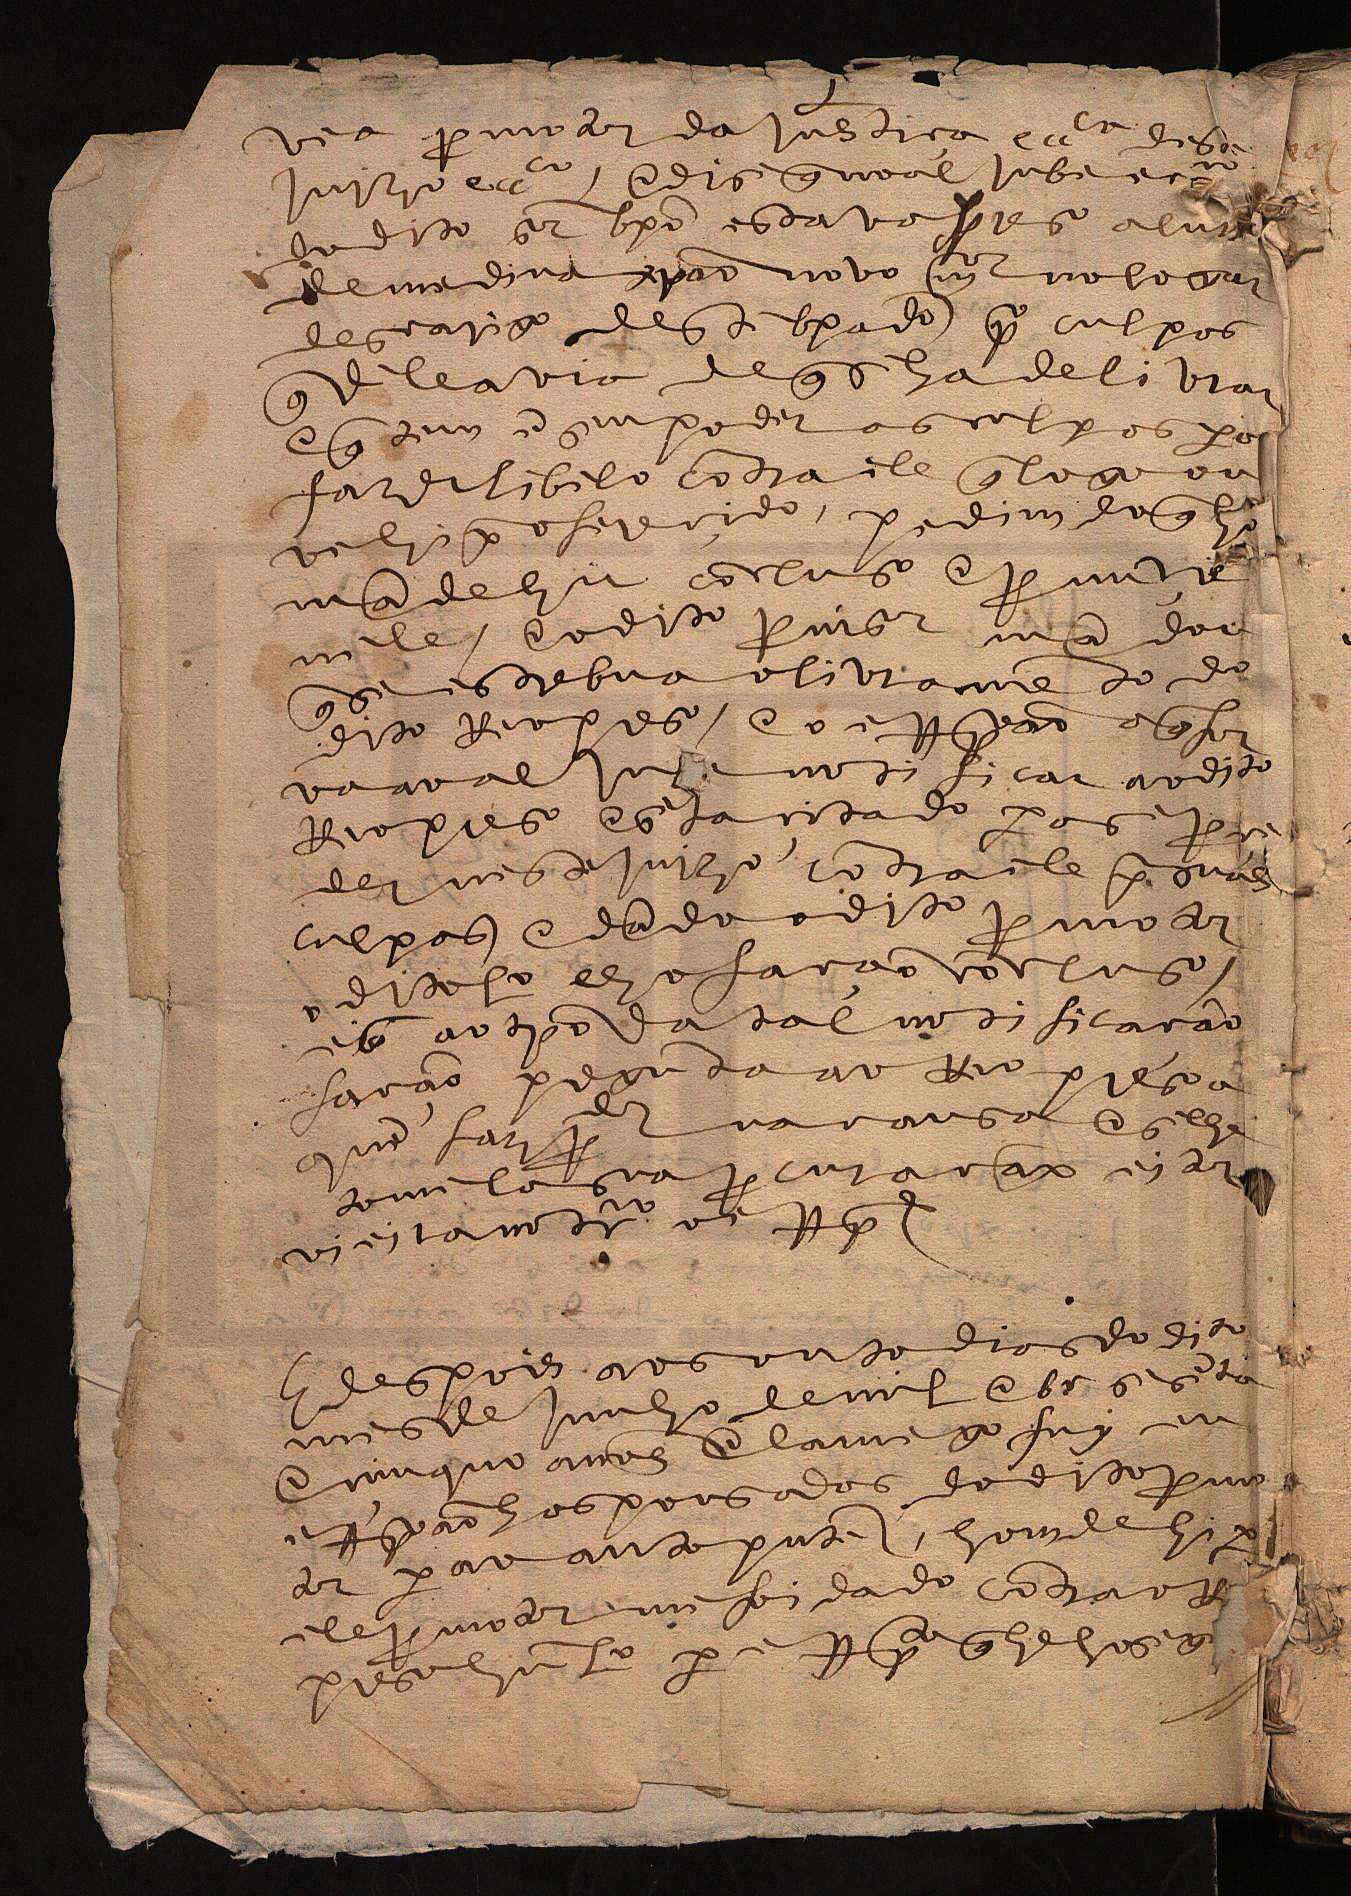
vea ꝑmotor da Justiça eccca deste
Jujzo eccco / e dise q̄ no alJube ec_co
do dito s̄or bpō estava preso aluro
de medjna xpão novo mor no logar
descarigo deste bpadō p̄o culpas
q̄ dele avia de q̄ se ha de livrar
e q̄ tem ē seu poder as culpas ꝑa
fazer libelo cōtra ele q̄ logo ou
ve hj p̄ ofereçido, pedimdo q̄ ho
māde hir cōcluso e ꝓ merçe
nele / e o dito ꝓuisor mādou
q̄ se estrebua o livramēto do
dito Reo preso / e o estp̄vão a q̄ for
va ao alJu_ notificar ao djto
Reo preso e seJa çitado ꝑa se ꝓçe
der neste Juizo cōtra ele p̄ suas
culpas e dādo o djto ꝓmotor
o dito Lo lho façaõ cōcluso /
e q̄ ao tpō da tal notificação
fação pregūta ao Reo preso a
quē faz ꝓdor na causa e se lhe
tome ha sua ꝓcuracaõ ejtor
vjejra notrro o estp̄j
E despois aos outo dias do dito
mes de Junho de miL e bc sesēta
e çinquo anōs ē lamego fuy eu
estp̄vaõ has pousadas do dito ꝓomo
tor ꝑa o auto pret̄e homde hi ꝑ
ele ꝓmotor me foi dado cōtra o R
preso hū Lo ꝑ estp̄to q̄ he ho seḡ
